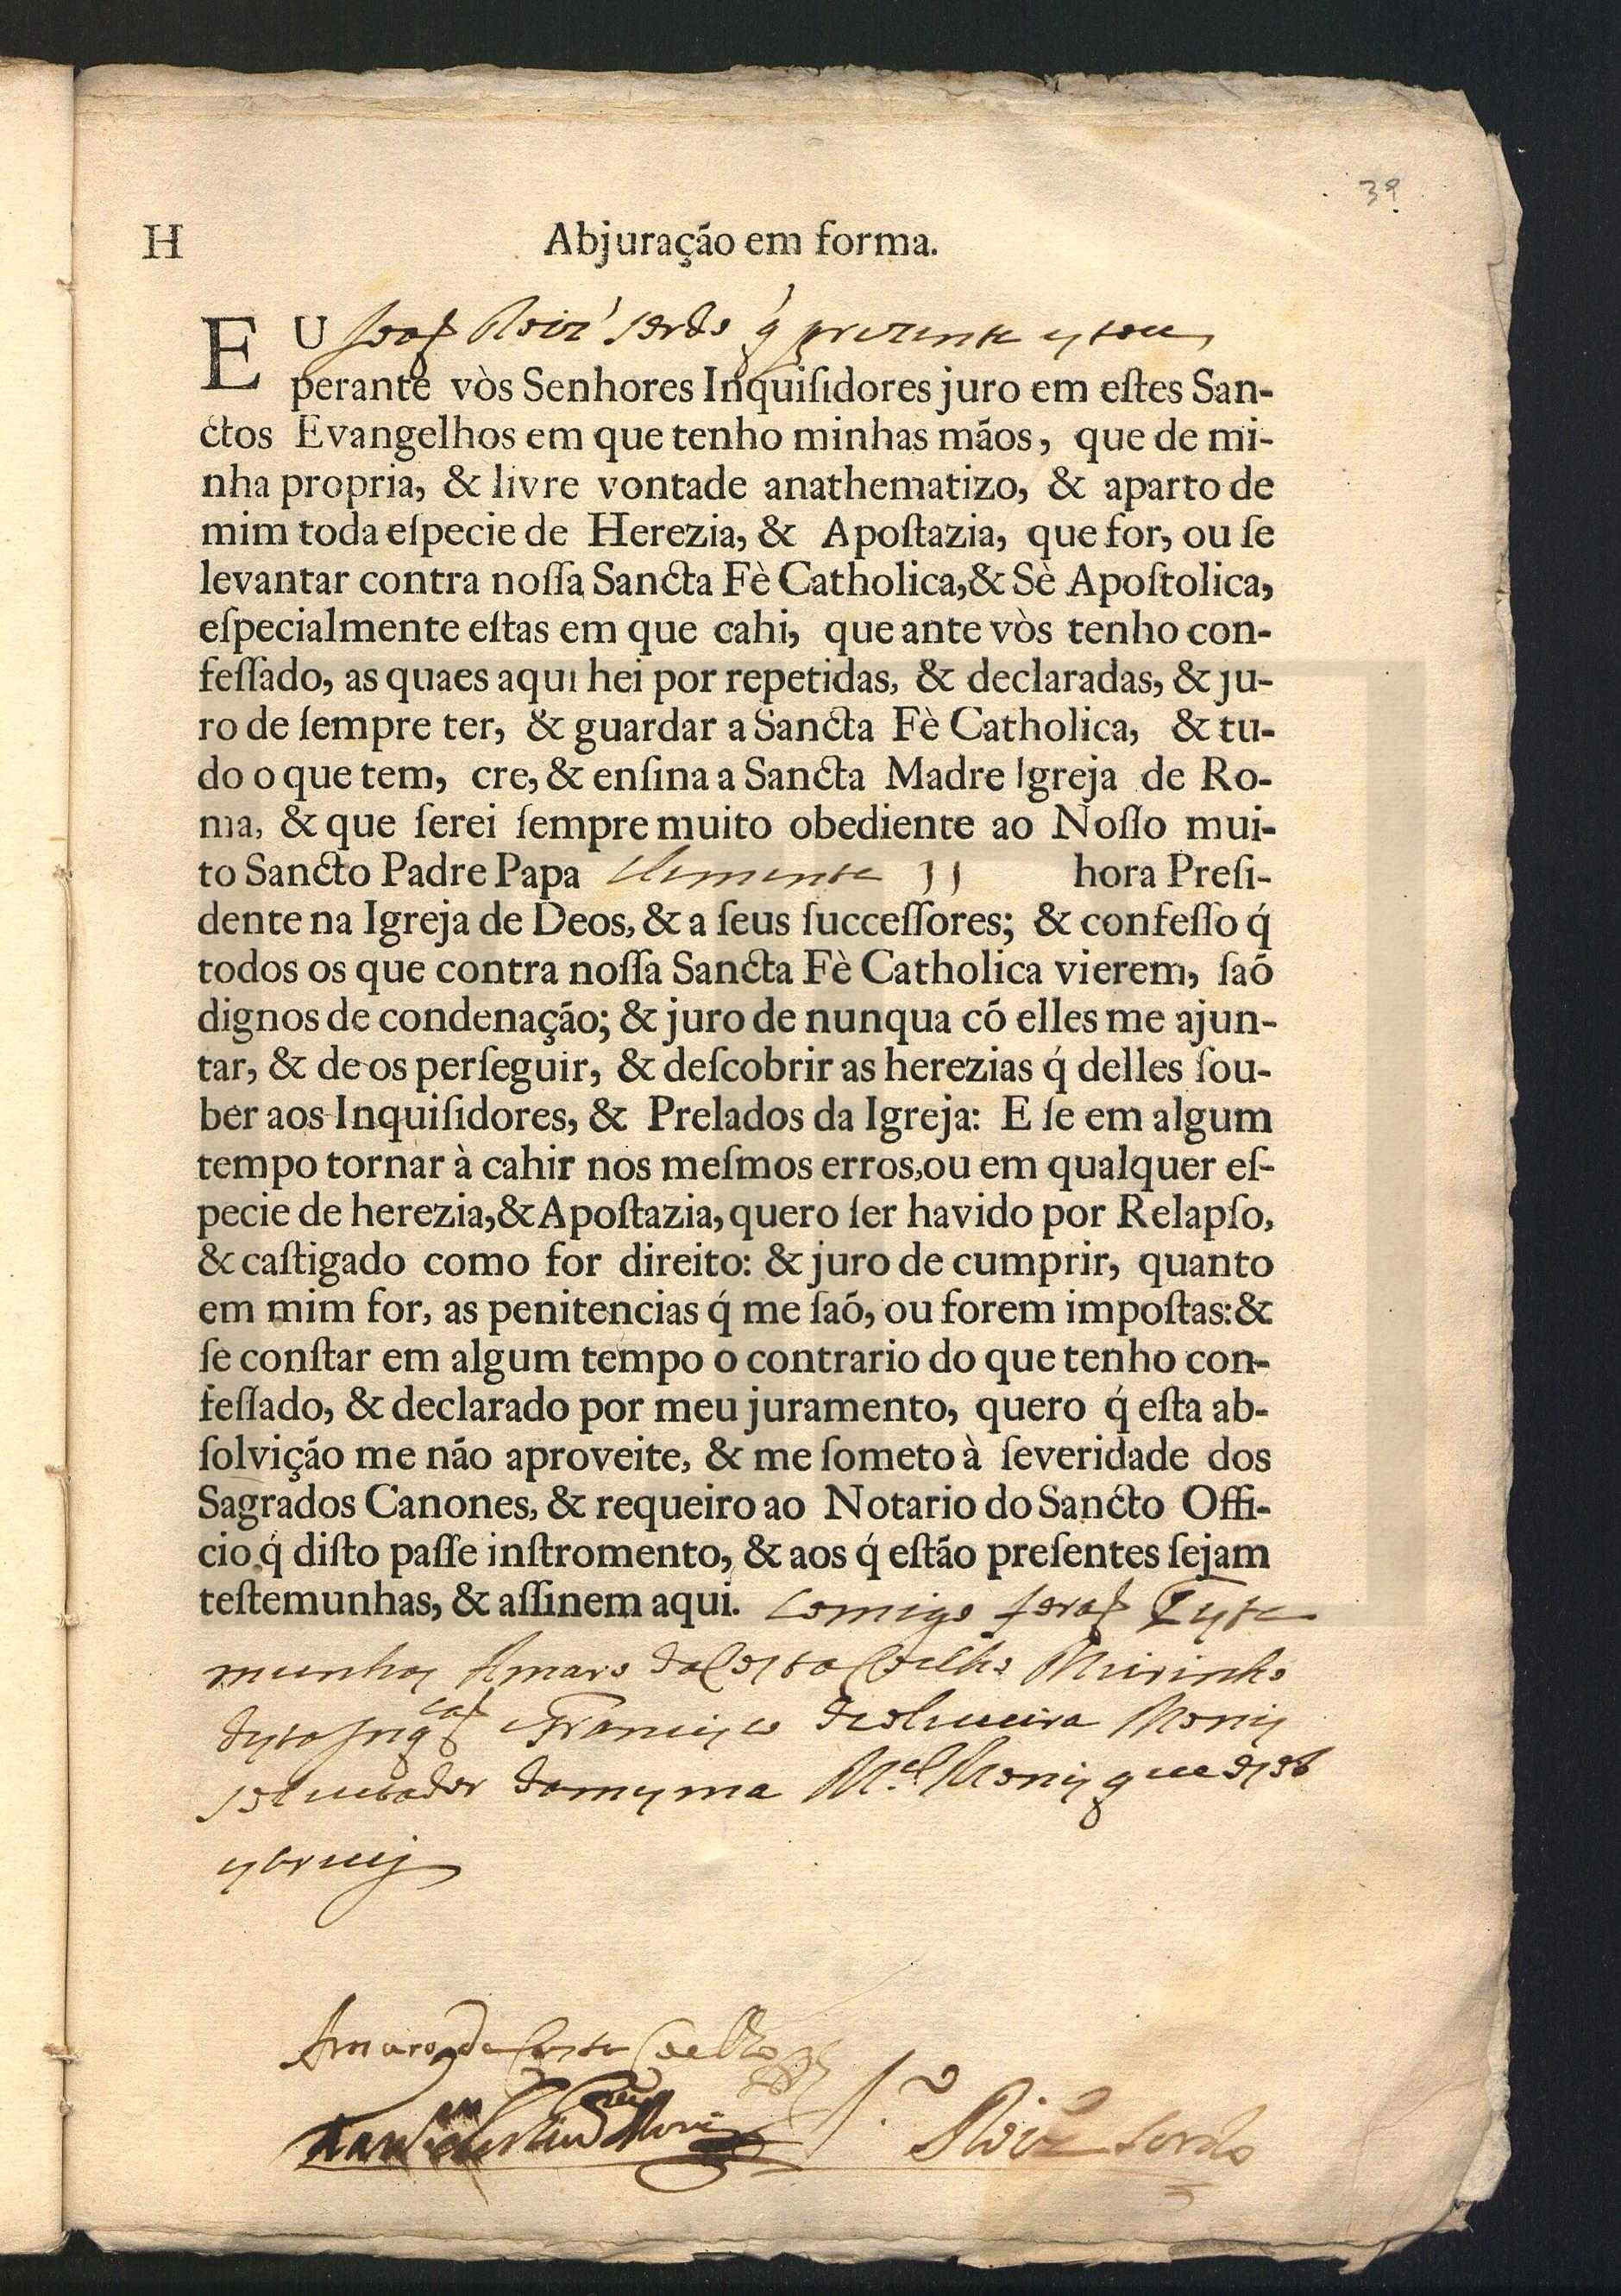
Abjuração em forma.
H
EU Joaõ Roiz̄ sordo q̄ prezente estou
perante vòs Senhores Inquisidores juro em estes San
ctos Evangelhos em que tenho minhas mãos, que de mi
nha propria, & livre vontade anathematizo, & aparto de
mim toda especie de Herezia, & Apostazia, que for, ou se
levantar contra nossa Sancta Fè Catholica, & Sè Apostolica,
especialmente estas em que cahi, que ante vòs tenho con
fessado, as quaes aqui hei por repetidas, & declaradas, & ju
ro de sempre ter, & guardar a Sancta Fè Catholica, & tu
do o que tem, cre, & ensina a Sancta Madre Igreja de Ro
ma, & que serei sempre muito obediente ao Nosso mui
to Sancto Padre Papa Clemente
hora Presi
dente na Igreja de Deos, & a seus successores; & confesso q̄
todos os que contra nossa Sancta Fè Catholica vierem, saõ
dignos de condenação; & juro de nunqua cō elles me ajun
tar, & de os perseguir, & descobrir as herezias q̄ delles sou
ber aos Inquisidores, & Prelados da Igreja: E se em algum
tempo tornar à cahir nos mesmos erros, ou em qualquer es
pecie de herezia, & Apostazia, quero ser havido por Relapso,
& castigado como for direito: & juro de cumprir, quanto
em mim for, as penitencias q̄ me saõ, ou forem impostas: &
se constar em algum tempo o contrario do que tenho con
fessado, & declarado por meu juramento, quero q̄ esta ab
solvição me não aproveite, & me someto à severidade dos
Sagrados Canones, & requeiro ao Notario do Sancto Offi
cio q̄ disto passe instromento, & aos q̄ estão presentes sejam
testemunhas, & assinem aqui. comigo foraõ Teste
munhas Amaro da Costa Coelho Meirinho
desta Jnqçaõ e Francisco de oliueira Monis
solicitador da mesma M.el Monis que o sob
escreuj
Amaro da Costa Coelho
Franco de oliura Monis
Roiz̄ sordo
